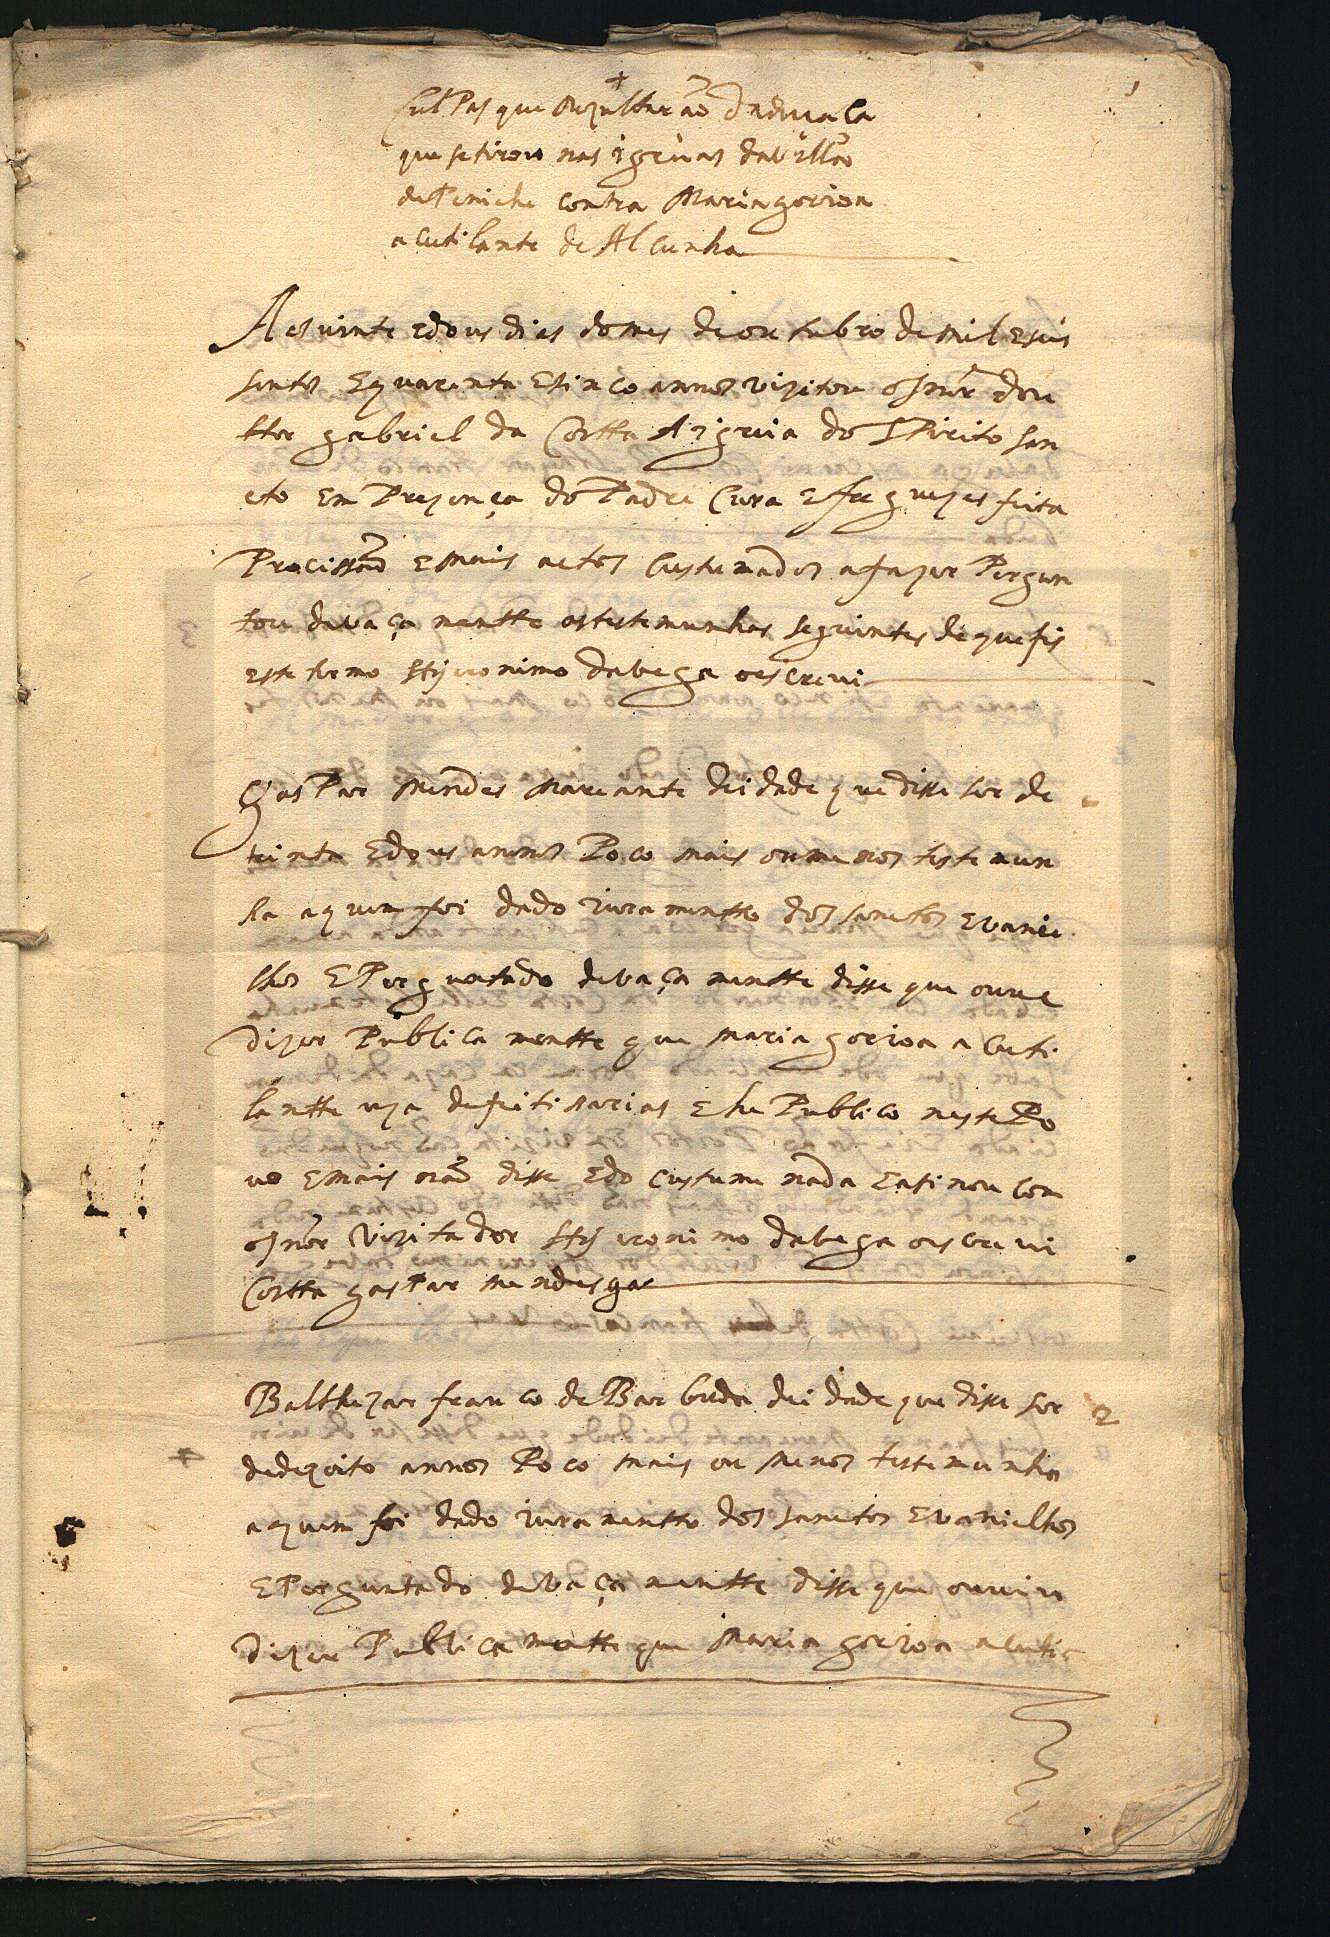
CulPas que Rezultarão da deuaça
que se tirou nas igreias da villa
de Peniche contra Maria gorioa
a cutilante de Alcunha
Aos uinte E dous dias do mes de outubro de mil E seis
sentos E quarenta E sinco annos vizitou o snor̄ dou
ttor gabriel da Costta A igreia do SPirito san
cto Em Prezença do Padre Cura E freguezes feita
Procissaõ E mais actos custumados a fazer Pergun
tou devaçamentte as testemunhas seguintes de que fis
Este termo Hyeronimo da vega o escreui
GasPar Mendes Mareante de idade que disse ser de
trinta E dous annos Poco mais ou menos testemun
ha a quem foi dado iuramentto dos sanctos Evanie
lhos E Perguntado devaçamentte disse que ouue
dizer Publicamentte que maria gorioa a cuti
lantte uza de feitissarias E he Publico neste Po
uo E mais naõ disse E do custume nada E asinou com
o snōr Vizitador Hyeronimo da vega o escreui
Costta gasPar mendes ga
Balthezar franco de Barbuda de idade que disse ser
de dezoito annos Poco mais ou menos testemunha
a quem foi dado iuramentto dos sanctos Evanielhos
E Perguntado devaçamentte disse que ouuiu
dizer Publicamentte que Maria gorioa a cuti
